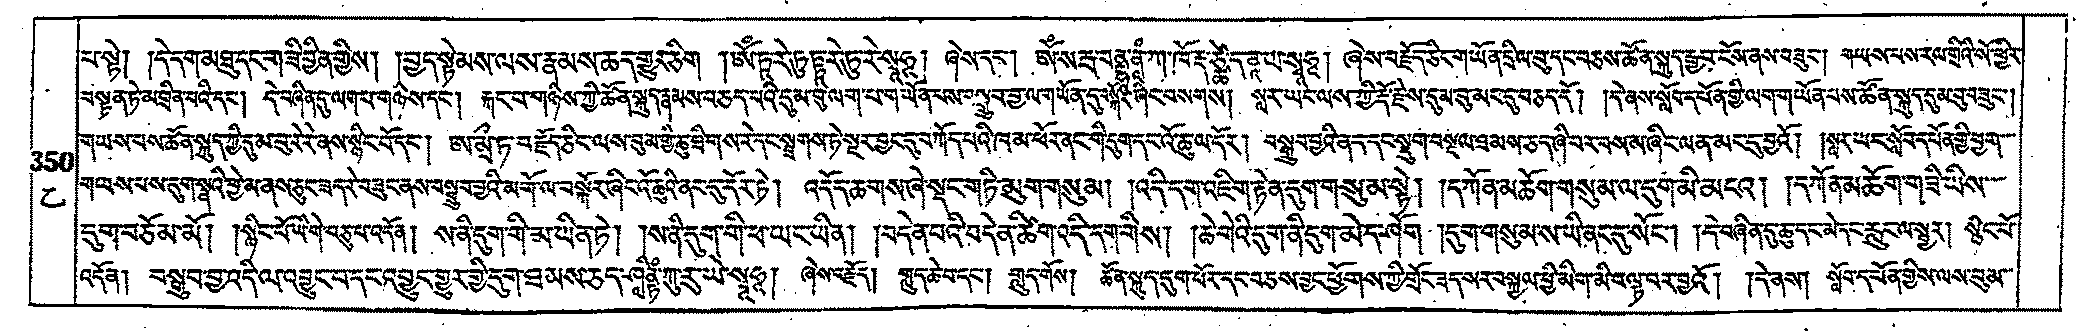པ་སྟེ། །དེ་དག་མཐུ་དང་གཟི་བྱིན་གྱིས། །བྱད་སྟེམས་ལས་རྣམས་ཆད་གྱུར་ཅིག །ཨོཾ་ཏཱ་རེ་ཏུཏྟཱ་རེ་ཏུ་རེ་སྭཱཧཱ། ཞེས་དང་།  ཨོཾ་སརྦ་བནྡྷ་ནཱཾ། ཀ་ཁོ་རྡ་ཙྪེ་ད་ནཱ་ཡ་སྭཱཧཱ། ཞེས་བརྗོད་ཅིང་གཡོན་དྲིལ་བུ་དང་བཅས་ཚོན་སྐུད་རྒྱབ་ངོས་ནས་བཟུང་། གཡས་པས་རལ་གྲིའི་སོ་ཕྱིར་
བསྟན་ཏེ་མགྲིན་པའི་དང་། དེ་བཞིན་དུ་ལག་པ་གཉིས་དང་། རྐང་པ་གཉིས་ཀྱི་ཚོན་སྡུད་རྣམས་བཅད་པའི་དུམ་བུ་ལག་གཡོན་པས་བསྒྲུབ་བྱ་བ་གཡོན་དུ་བསྐོར་ཞིང་བསགས། སླར་ཡང་ལས་ཀྱི་རྡོ་རྗེས་དུམ་བུ་མང་དུ་བཟད་དོ། །དེ་ནས་སློབ་དཔོན་གྱིས་གཡོན་པ་ཚོན་སྐུད་དུམ་བུ་བཟུང་།
གཡས་པས་ཚོན་སྐུད་ཀྱི་དུམ་བུ་རེ་རེ་ནས་སྙིང་པོ་དང་། ཨ་མྲྀ་ཏ་བརྗོད་ཅིང་ལས་བུམ་གྱི་ཆུ་ཐིགས་རེ་དང་སྦྲགས་ཏེ་སྔར་བྱང་དུ་བཀོད་པའི་ཁམ་ཕོར་ནང་གི་དུག་དང་འོ་ཆུ་ལ་དོར། བསྒྲུབ་བྱའི་ནད་དང་སྡུག་བསྔལ་ཐམས་ཅད་ཞི་བར་བསམ་ཞིང་ལན་མང་དུ་བྱའོ། །སླར་ཡང་སློབ་དཔོན་གྱི་ཕྱག་་་
གཡས་པས་དུག་སྣའི་ཕྱེ་མ་ནས་ཅུང་ཟད་རེ་བཟུང་ནས་བསྒྲུབ་བྱའི་མགོ་ལ་བསྐོར་ཞིང་འོ་ཆུའི་ནང་དུ་དོར་ཏེ། འདོད་ཆགས་ཞེ་སྡང་གཏི་མུག་གསུམ། །འདི་དག་འཇིག་རྟེན་དུག་གསུམ་སྟེ། །དཀོན་མཆོག་གསུམ་ལ་དུག་མི་མངའ། །དཀོན་མཆོག་གཟི་ཡིས་་་
དུག་བཅོམ་མོ། །སྙིང་པོ་ཡི་གེ་བཅུ་པ་འདོན།  ས་ནི་དུག་གི་མ་ཡིན་ཏེ། །ས་ནི་དུག་གི་ཕ་ཡང་ཡིན། །བདེན་པའི་བདེན་ཚིག་འདི་དག་གིས། །ཆེ་གེའི་དུག་ནི་དུག་མེད་ཤོག །དུག་གསུམ་ས་ཡི་ནང་དུ་སོང་། །དེ་བཞིན་དུ་ཆུ་དང་མེ་དང་རླུང་ལ་སྦྱར། སྙིང་པོ་
འདོན། བསྒྲུབ་བྱ་འདི་ལ་འབྱུང་བ་དང་འབྱུང་གྱུར་གྱི་དུག་ཐམས་ཅད་ཤྰྣྟིཾ་ཀུ་རུ་ཡེ་སྭཱཧཱ། ཞེས་བརྗོད། གླུད་ཆེ་བ་དང་། གླུད་གོས། ཚོན་སྐུད་དུག་ཕོར་དང་བཅས་བྱང་ཕྱོགས་ཀྱི་གྲོང་ཟད་སར་བསྐྱལ་ཕྱི་མིག་མི་བལྟ་བར་བྱའོ་།དེ་ནས། སློབ་དཔོན་གྱིས་ལས་བུམ་་་